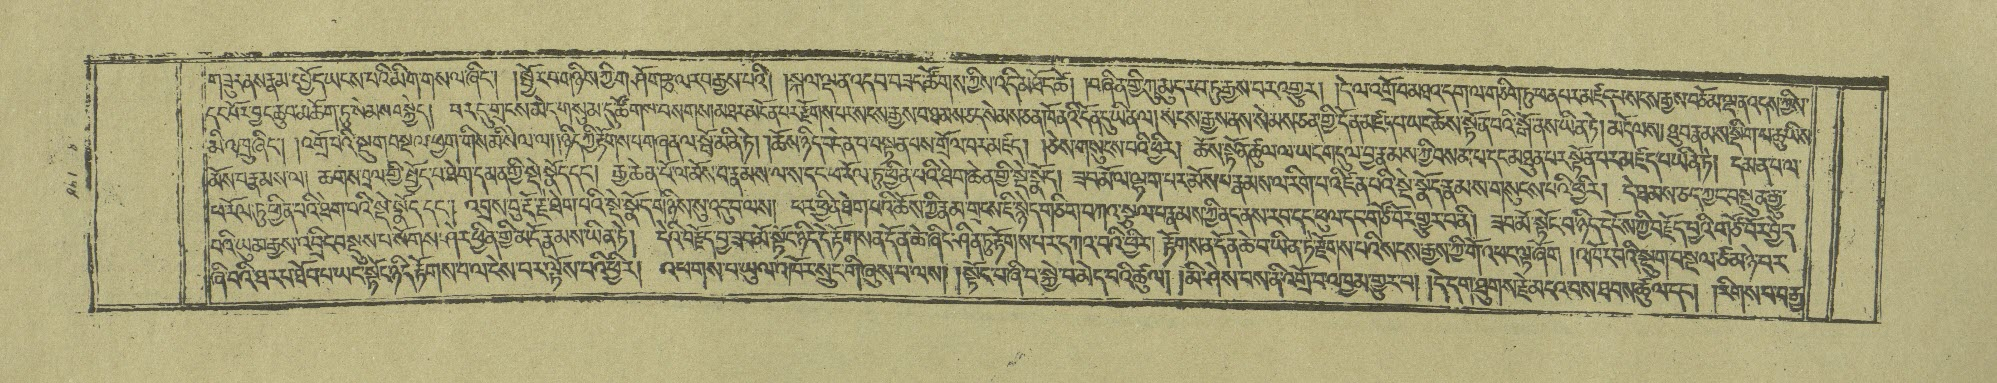གཟུར་ནས་རྣམ་དཔྱོད་ཡངས་པའི་མིག་གསལ་ཞིང་། །སྦྱོར་བ་གཉིས་ཀྱི་གཤོག་རྩལ་རབ་རྒྱས་པའི། །སྐལ་ལྡན་འདབ་བཟང་ཚོགས་ཀྱིས་འདི་མཐོང་ཚེ། །བཞིན་གྱི་ཀུ་མུད་རབ་ཏུ་རྒྱས་བར་འགྱུར། །དེ་ལ་འགྲོ་བ་མཐའ་དག་ལ་གཅིག་ཏུ་ཕན་པར་མཛད་པ་སངས་རྒྱས་བཅོམ་ལྡན་འདས་ཀྱིས་
དང་པོར་བྱང་ཆུབ་མཆོག་ཏུ་སེམས་བསྐྱེད། བར་དུ་གྲངས་མེད་གསུམ་དུ་ཚོགས་བསགས། །མངོན་པར་རྫོགས་པར་སངས་རྒྱས་པ་ཐམས་ཅད་སེམས་ཅན་ཁོ་ནའི་དོན་དུ་ཡིན་ལ། སངས་རྒྱས་ནས་སེམས་ཅན་གྱི་དོན་མཛད་པ་ཡང་ཆོས་སྟོན་པའི་སྒོ་ནས་ཡིན་ཏེ། མདོ་ལས། ཐུབ་རྣམས་སྡིག་པ་ཆུ་ཡིས་
མི་འཁྲུ་ཞིང་། །འགྲོ་བའི་སྡུག་བསྔལ་ཕྱག་གིས་མི་སེལ་ལ། །ཉིད་ཀྱི་རྟོགས་པ་གཞན་ལ་སྤོ་མིན་ཏེ། །ཆོས་ཉིད་བདེན་པ་བསྟན་པས་གྲོལ་བར་མཛད། །ཅེས་གསུངས་པའི་ཕྱིར། ཆོས་སྟོན་ཚུལ་ལ་ཡང་གདུལ་བྱ་རྣམས་ཀྱི་བསམ་པ་དང་མཐུན་པར་སྟོན་པར་མཛད་པ་ཡིན་ཏེ། དམན་པ་ལ་
མོས་པ་རྣམས་ལ། ཆགས་བྲལ་གྱི་སྤྱོད་པ་ཐེག་དམན་གྱི་སྡེ་སྣོད་དང་། རྒྱ་ཆེན་པོ་ལ་མོས་པ་རྣམས་ལ་ས་དང་ཕ་རོལ་ཏུ་ཕྱིན་པའི་ཐེག་ཆེན་གྱི་སྡེ་སྣོད། ཟབ་མོ་ལ་ལྷག་པར་མོས་པ་རྣམས་ལ་རིག་པ་འཛིན་པའི་སྡེ་སྣོད་རྣམས་གསུངས་པའི་ཕྱིར། དེ་ཐམས་ཅད་ཀྱང་བསྡུན་རྒྱུ་
ཕ་རོལ་ཏུ་ཕྱིན་པའི་ཐེག་པའི་སྡེ་སྣོད་དང་། འབྲས་བུ་རྡོ་རྗེ་ཐེག་པའི་སྡེ་སྣོད་གཉིས་སུ་འདུ་བ་ལས། ཕར་ཕྱིན་ཐེག་པའི་ཆོས་ཀྱི་རྣམ་གྲངས་ཇི་སྙེད་གཅིག་བཀའ་སྩལ་པ་རྣམས་ཀྱི་ནང་ནས་རབ་དང་ཕུལ་དང་གཙོ་བོར་གྱུར་པ་ནི། ཟབ་མོ་སྟོང་བ་ཉིད་དངོས་ཀྱི་བརྗོད་བྱའི་གཙོ་བོར་བྱེད་
པའི་ཡུམ་རྒྱས་འབྲིང་བསྡུས་པ་སོགས་ཤེར་ཕྱིན་གྱི་མདོ་རྣམས་ཡིན་ཏེ། དེའི་བརྗོད་བྱ་ཟབ་མོ་སྟོང་ཉིད་དེ་རྟོགས་ན་དོན་ཆེ་ཞིང་ཤིན་ཏུ་རྟོགས་པར་དཀའ་བའི་ཕྱིར། རྟོགས་ན་དོན་ཆེ་བ་ཡིན་ཏེ་རྫོགས་པའི་སངས་རྒྱས་ཀྱི་གོ་འཕང་ལྟ་ཞོག །འཁོར་བའི་སྡུག་བསྔལ་ཙམ་ཉེ་བར་
ཞི་བའི་ཐར་པ་ཐོབ་པ་ཡང་སྟོང་ཉིད་རྟོགས་པ་ལ་ངེས་པར་ལྟོས་པའི་ཕྱིར། འཕགས་པ་ཡུལ་འཁོར་སྲུང་གི་ཞུས་པ་ལས། །སྟོང་པ་ཞི་བ་སྐྱེ་བ་མེད་པའི་ཚུལ། །མི་ཤེས་པས་ནི་འགྲོ་བ་འཁྱམ་གྱུར་པ། །དེ་དག་ཐུགས་རྗེ་མངའ་བས་ཐབས་ཚུལ་དང་། །རིགས་པ་བརྒྱ་